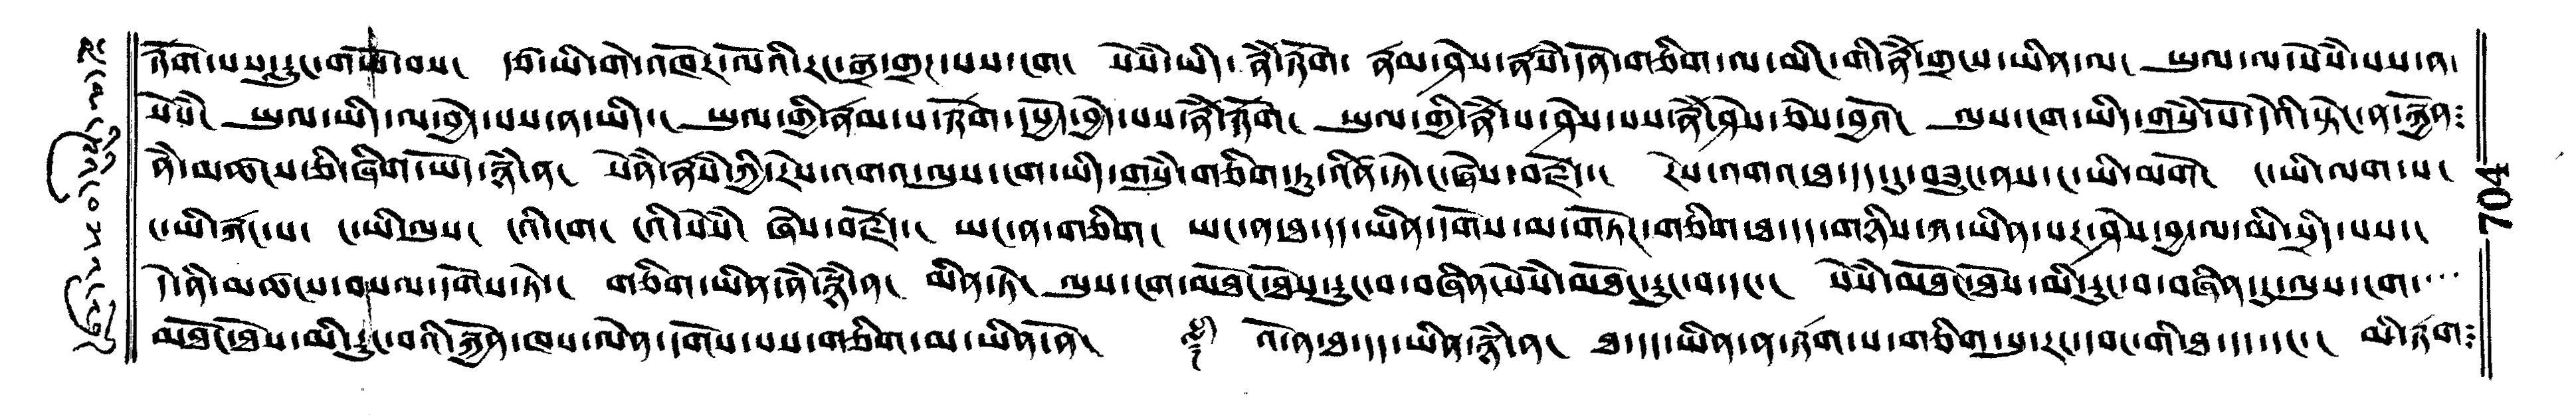རྟོག་པས་རླུང་གཡོ་བས། རྩ་ཡི་གེ་འཁོར་ལོའི་རང་སྒྲ་གྲགས་པས་ངག་སེམས་ཡིད་རྣམ་རྟོག་རྣམ་ཤེས་རྣམས་དོན་གཅིག་ལ་མིང་གི་རྣམ་གྲངས་ཡིན་ལ། ཡུལ་ལ་སེམས་པས་ན་
སེམས། ཡུལ་ཡིད་ལ་བྱེད་པས་ན་ཡིད། ཡུལ་གྱི་རྣམ་པ་རྟོག་དཔྱོད་བྱེད་པས་རྣམ་རྟོག ཡུལ་གྱི་རྣམ་པ་ཤེས་པས་རྣམ་ཤེས་ཅེས་བྱའོ།ལུས་ངག་ཡིད་གསུམ་པོ་དེའི་སྟེང་ན་སྐྱོན་
ནམ་མཚང་ཅི་ཞིག་ཡོད་སྙམ་ན། སེམས་ཅན་རྣམས་ཀྱི་རེས་འགའ་ལུས་ངག་ཡིད་གསུམ་གཅིག་ཏུ་འཛིན་ཏེ་ང་ཞེས་བརྗོད། རེས་འགའ་ཐ་དད་དུ་བཟུང་ནས་ང་ཡི་མགོ ང་ཡི་ལག་པ། 
ང་ཡི་རྐང་པ། ང་ཡི་ལུས། ངའི་ངག ངའི་སེམས་ཞེས་བརྗོད། ཡང་ན་གཅིག ཡང་ན་ཐ་དད་ཡིན་དགོས་མ་གཏོགས་གཅིག་ཐ་དད་གཉིས་ཀ་ཡིན་པར་ཤེས་བྱ་ལ་མི་སྲིད་པས། 
དེས་ན་མཚང་བསལ་དགོས་ཏེ། གཅིག་ཡིན་ནམ་སྙམ་ན། མིན་ཏེ། ལུས་ངག་མཐོང་ཐོས་རུང་བ་བཞིན་སེམས་མཐོང་རུང་བ་དང་། སེམས་མཐོང་ཐོས་མི་རུང་བ་བཞིན་དུ་ལུས་ངག་
མཐོང་ཐོས་མི་རུང་བའི་སྐྱོན་ཁས་ལེན་དགོས་པས་གཅིག་མ་ཡིན་ནོ། ༈ འོ་ན་ཐ་དད་ཡིན་སྙམ་ན། ཐ་དད་ཡིན་ན་རྟག་པ་གཅིག་པུ་རང་དབང་གི་ཐ་དད་དང་། མི་རྟག་